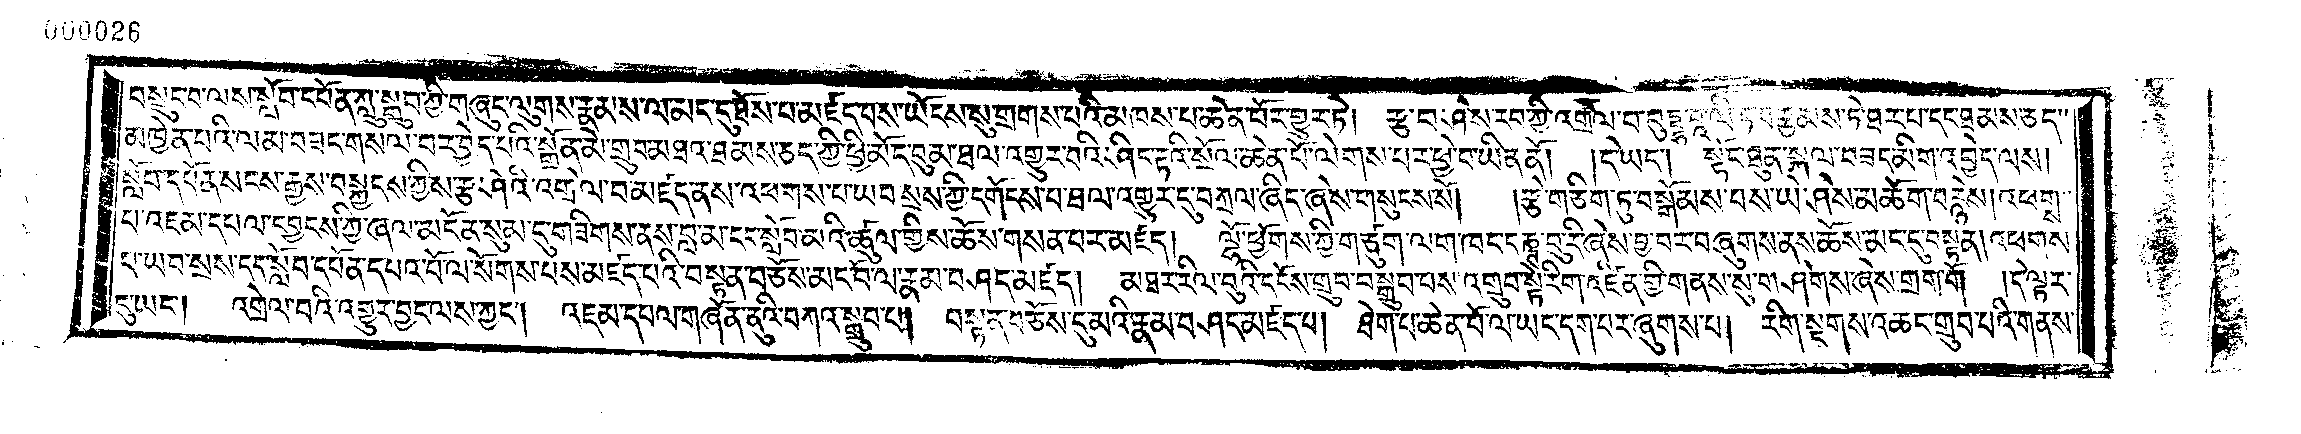བསྲུང་བ་ལས་སློབ་དཔོན་ཀླུ་སྒྲུབ་ཀྱི་གཞུང་ལུགས་རྣམས་ལ་མང་དུ་ཐོས་པ་མཛད་པས་ཡོངས་སུ་གྲགས་པའི་མཁས་པ་ཆེན་པོར་གྱུར་ཏེ། རྩ་བ་ཤེས་རབ་ཀྱི་འགྲེལ་པ་བུདྡྷ་པཱ་ལི་ཏ་བརྩམས་ཏེ་ཐར་པ་དང་ཐམས་ཅད་
མཁྱེན་པའི་ལམ་བཟད་གསལ་བར་བྱེད་པའི་སྒྲོན་མེ་གྲུབ་མཐའ་ཐམས་ཅད་ཀྱི་ཕྱི་མོ་དབུ་མ་ཐལ་འགྱུར་བའི་ཤིང་རྟའི་སྲོལ་ཆེན་པོ་ལེགས་པར་ཕྱེ་བ་ཡིན་ནོ། །དེ་ཡང་། སྟོང་ཐུན་སྐལ་བཟང་མིག་འབྱེད་ལས།
སློབ་དཔོན་སངས་རྒྱས་བསྐྱངས་ཀྱིས་རྩ་ཤེའི་འགྲེལ་པ་མཛད་ནས་འཕགས་པ་ཡབ་སྲས་ཀྱི་དགོངས་པ་ཐལ་འགྱུར་དུ་བཀྲལ་ཞིང་ཞེས་གསུངས་སོ། །རྩེ་གཅིག་ཏུ་བསྒོམས་པས་ཡེ་ཤེས་མཆོག་བརྙེས། འཕགས་
པ་འཇམ་དཔལ་དབྱངས་ཀྱི་ཞལ་མངོན་སུམ་དུ་གཟིགས་ནས་བླ་མ་དང་སློབ་མའི་ཚུལ་གྱིས་ཆོས་གསན་པར་མཛད། ལྷོ་ཕྱོགས་ཀྱི་གཙུག་ལག་ཁང་དཎྚ་པུ་རི་ཞེས་བྱ་བར་བཞུགས་ནས་ཆོས་མང་དུ་བསྟན། འཕགས་
བ་ཡབ་སྲས་དང་སློབ་དཔོན་དཔའ་བོ་ལ་སོགས་པས་མཛད་པའི་བསྟན་བཅོས་མང་པོ་ལ་རྣམ་བཤད་མཛད། མཐར་རིལ་བུའི་དངོས་གྲུབ་བསྒྲུབ་པས་འགྲུབ་སྟེ་རིག་འཛིན་གྱི་གནས་སུ་གཤེགས་ཞེས་གྲག་གོ །དེ་ལྟར་
དུ་ཡང་། འགྲེལ་པའི་འགྱུར་བྱང་ལས་ཀྱང་། འཇམ་དཔལ་གཞོན་ནུའི་བཀའ་སྒྲུབ་པ། བསྟན་བཅོས་དུ་མའི་རྣམ་བཤད་མཛད་པ། ཐེག་པ་ཆེན་པོ་ལ་ཡང་དག་པར་ཞུགས་པ། རིག་སྔགས་འཆང་གྲུབ་པའི་གནས་